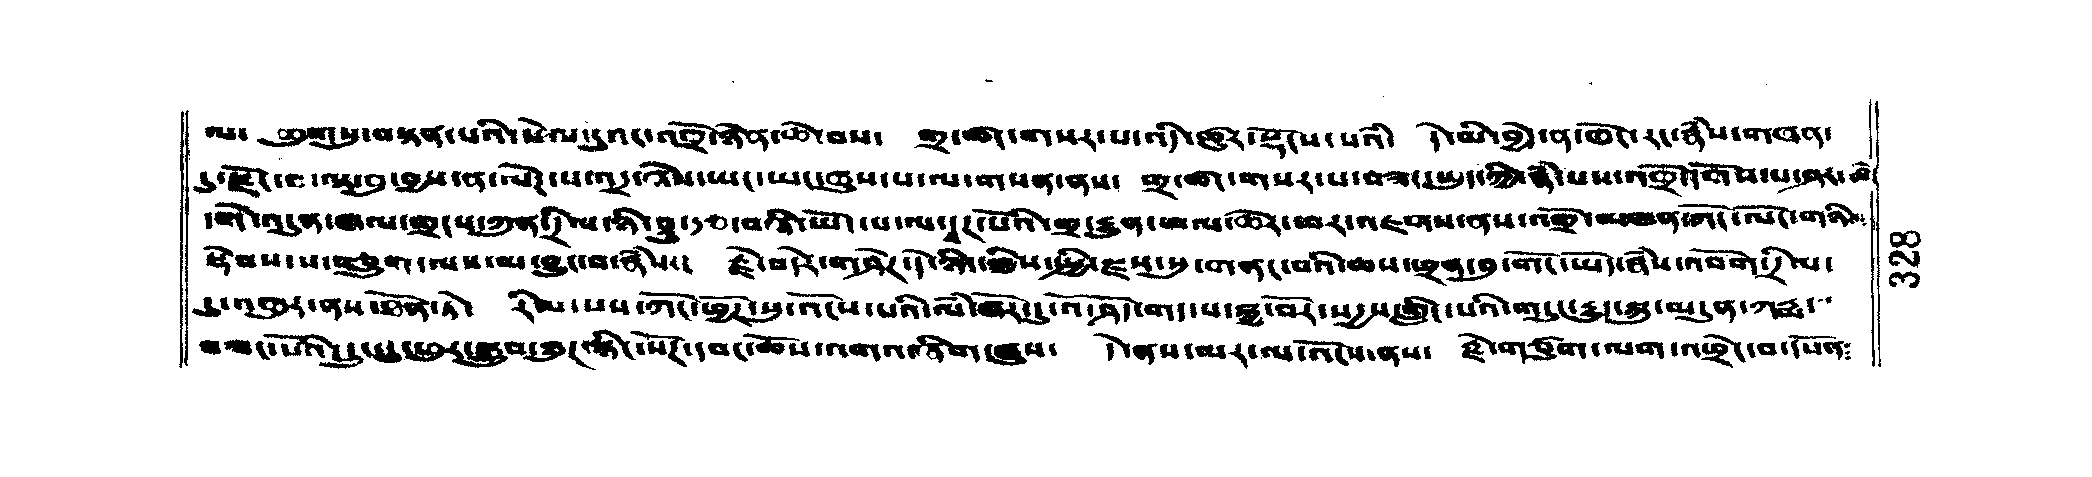ལ། ཕུགས་སུ་བསྟན་པའི་སེལ་དུའང་འགྲོ་ཉེན་ཆེ་བས། གྲྭ་ཚང་གསར་པ་འདི་ཚུར་སྡོངས་པའམ། དེ་མི་བྱེད་ན་ཁོང་རང་རྣམས་གཞན་
དུ་རྫོང་བ་ལྟ་བུ་ན་ལེགས་པ་འདྲ་ཞེས་ཡང་ཡང་ཞུས་པ་ལ་གསན་ནས། གྲྭ་ཚང་གསར་པ་བཟང་ཕུད་ཀྱི་རྣམ་པས་འགྲོ་དགོས་པ་ཤར་ཚེ་
དགེ་འདུན་ཞལ་གྲངས་ཀུན་དྲིལ་ཉི་ཤུ་རྩ་བཞི་ཡོད་པ་ལ་དྭགས་པོའི་གྲྭ་རྒྱུན་ཕལ་ཆཻར་ཕར་འཇགས་ནས་འགྲོ་མཁན་ཀོང་ལོང་གཉིས་
སྡེབས་པ་བཅུ་དྲུག་ལས་མ་བྱུང་བ་རྣམས། རྗེ་བདེ་བར་གཤེགས་པ་དེ་ཉིད་ཀྱིས་སྤྱི་རྫས་སུ་གནང་བའི་ཆས་ཕྲན་བུ་གང་ཡོད་རྣམས་འབོག་དྲིལ་
དུ་འཁུར་ནས་ཐོན་ཏེ། རིམ་པས་ཀོང་ཕྱོགས་སུ་འོངས་པའི་ལམ་ཞོར་དུ་འོ་ཤོད་གད་པ་སྐྱ་བོར་སངས་རྒྱས་གླིང་པའི་གདུང་རྒྱུད་སྐུ་མདུན་ཀརྨ་
བཟང་པོའི་དྲུང་དུ་ཕུར་སྒྲུབ་ཐུགས་སྙིང་སོགས་དབང་ཆོས་འགའ་ཞིག་ཞུས། དེ་ནས་མར་ལ་འོངས་ནས། རྗེ་གཙུག་ལག་འཕྲེང་བ་དཔོན་